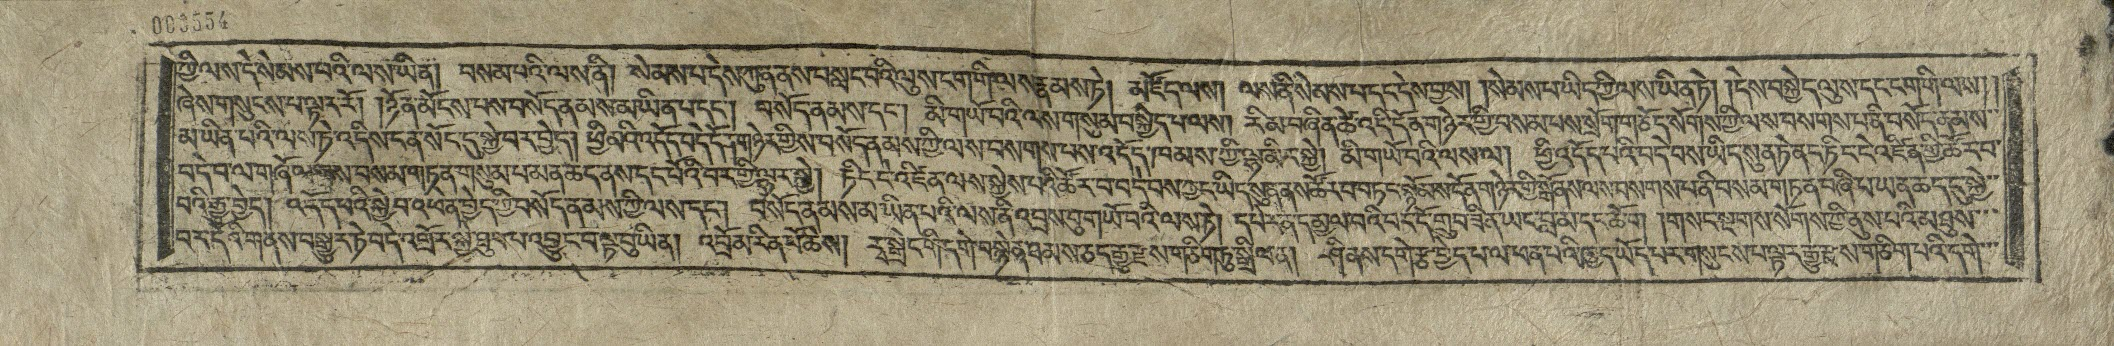ཀྱི་ལས་དེ་སེམས་པའི་ལས་ཡིན། བསམ་པའི་ལས་ནི། སེམས་པ་དེས་ཀུན་ནས་བསླང་བའི་ལུས་ངག་གི་ལས་རྣམས་ཏེ། མཛོད་ལས། ལས་ནི་སེམས་པ་དང་དེས་བྱས། །སེམས་པ་ཡིད་ཀྱི་ལས་ཡིན་ཏེ། །དེས་བསྐྱེད་ལུས་དང་ངག་གི་ལས། །
ཞེས་གསུངས་པ་ལྟར་རོ། །ཉོན་མོངས་པས་བསོད་ནམས་མ་ཡིན་པ་དང་། བསོད་ནམས་དང་། མི་གཡོ་བའི་ལས་གསུམ་བསྐྱེད་པ་ལས། རིམ་བཞིན་ཚེ་འདི་དོན་གཉེར་གྱི་བསམ་པས་སྲོག་གཅོད་སོགས་ཀྱི་ལས་བསགས་པ་ནི་བསོད་ནམས་
མ་ཡིན་པའི་ལས་ཏེ་འདིས་ངན་སོང་དུ་སྐྱེ་བར་བྱེད། ཕྱི་མའི་འདོད་བདེ་དོན་གཉེར་གྱིས་བསོད་ནམས་ཀྱི་ལས་བསགས་པས་འདོད་ཁམས་ཀྱི་ལྷ་མིར་སྐྱེ། མི་གཡོ་བའི་ལས་ལ། ཕྱི་འདོད་པའི་བདེ་བས་ཡིད་སུན་ཏེ་ནང་ཏིང་ངེ་འཛིན་གྱི་ཚོར་བ་
བདེ་བ་ལ་གཞོལ་བས་བསམ་གཏན་གསུམ་པ་མན་ཆད་ནས་དང་པོའི་བར་གྱི་ལྷར་སྐྱེ། ཏིང་ངེ་འཛིན་ལས་སྐྱེས་པའི་ཚོར་བ་བདེ་བས་ཀྱང་ཡིད་སུན་ནས་ཚོར་བ་བཏང་སྙོམས་དོན་གཉེར་གྱི་སྒོ་ནས་ལས་བསགས་པ་ནི་བསམ་གཏན་བཞི་པ་ཡན་ཆད་དུ་སྐྱེ་
བའི་རྒྱུ་བྱེད། འདོད་པའི་སྐྱེ་བ་འཕེན་བྱེད་ཀྱི་བསོད་ནམས་ཀྱི་ལས་དང་། བསོད་ནམས་མ་ཡིན་པའི་ལས་ནི་འབྲས་བུ་གཡོ་བའི་ལས་ཏེ། དཔེར་ན་དམྱལ་བའི་བར་དོ་གྲུབ་ཟིན་ཡང་བླ་མ་དང་ཆོ་ག །གསང་སྔགས་སོགས་ཀྱི་ནུས་པའི་མཐུས་
བར་དོའི་གནས་བསྒྱུར་ཏེ་བདེ་འགྲོར་སྐྱེ་ཐུབ་པ་འབྱུང་བ་ལྟ་བུ་ཡིན། འབྲོམ་རིན་པོ་ཆེས། {རྭ}་སྒྲེང་གི་དགེ་བསྙེན་ཐམས་ཅད་རྒྱུ་རྫས་གཅིག་ཏུ་སྒྲིལ་ན། ཤི་ནས་དགེ་རྩ་བྱེད་པ་ལ་ཕན་པའི་ཁྱད་ཡོད་པར་གསུངས་པ་ལྟར་རྒྱུ་རྫས་གཅིག་པའི་དགེ་